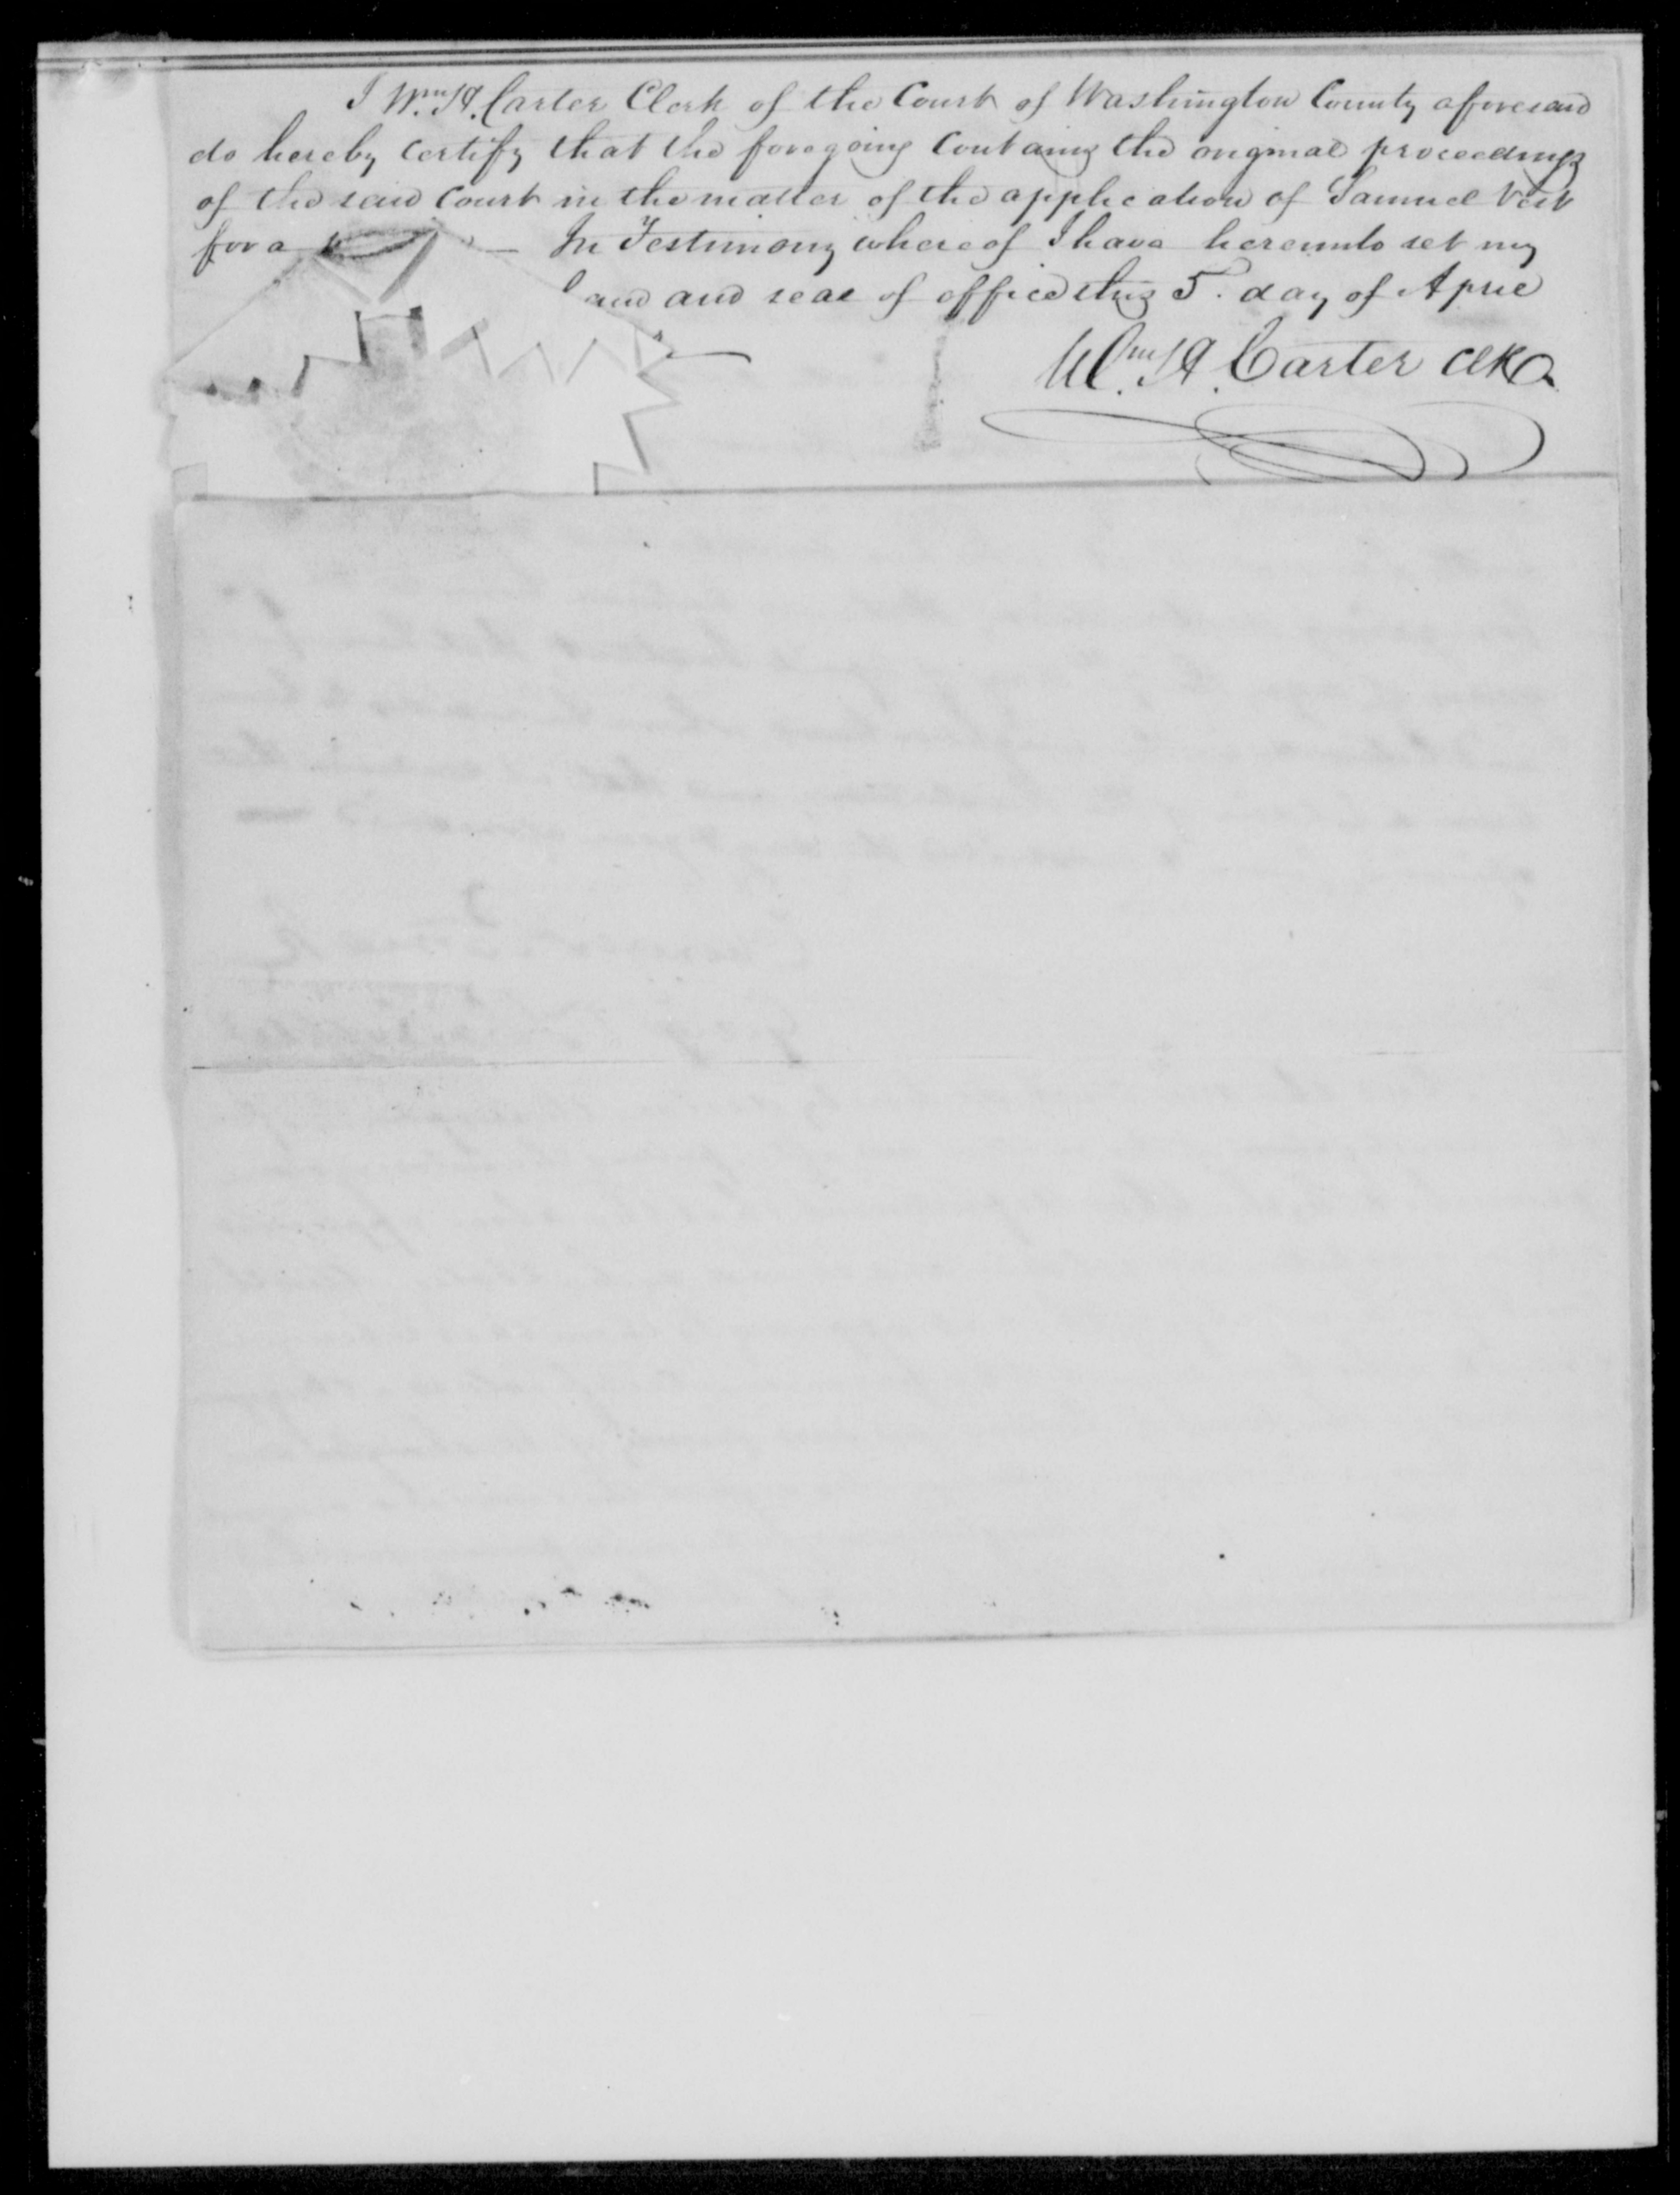I Wm. H. Carter Clerk of the Court of Washington County aforesaid do hereby certify that the foregoing contains the original proceedings of the said Court in the matter of the application of Samuel Vest for a pension In Testimony whereof I have hereunto set my hand and seal of office this 5th day of April
Wm. H. Carter Clk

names: Wm H Carter, Wm H Carter, Samuel Vest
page: 7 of 15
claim: survivor's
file: S. 16,563, Samuel Vest, Va.